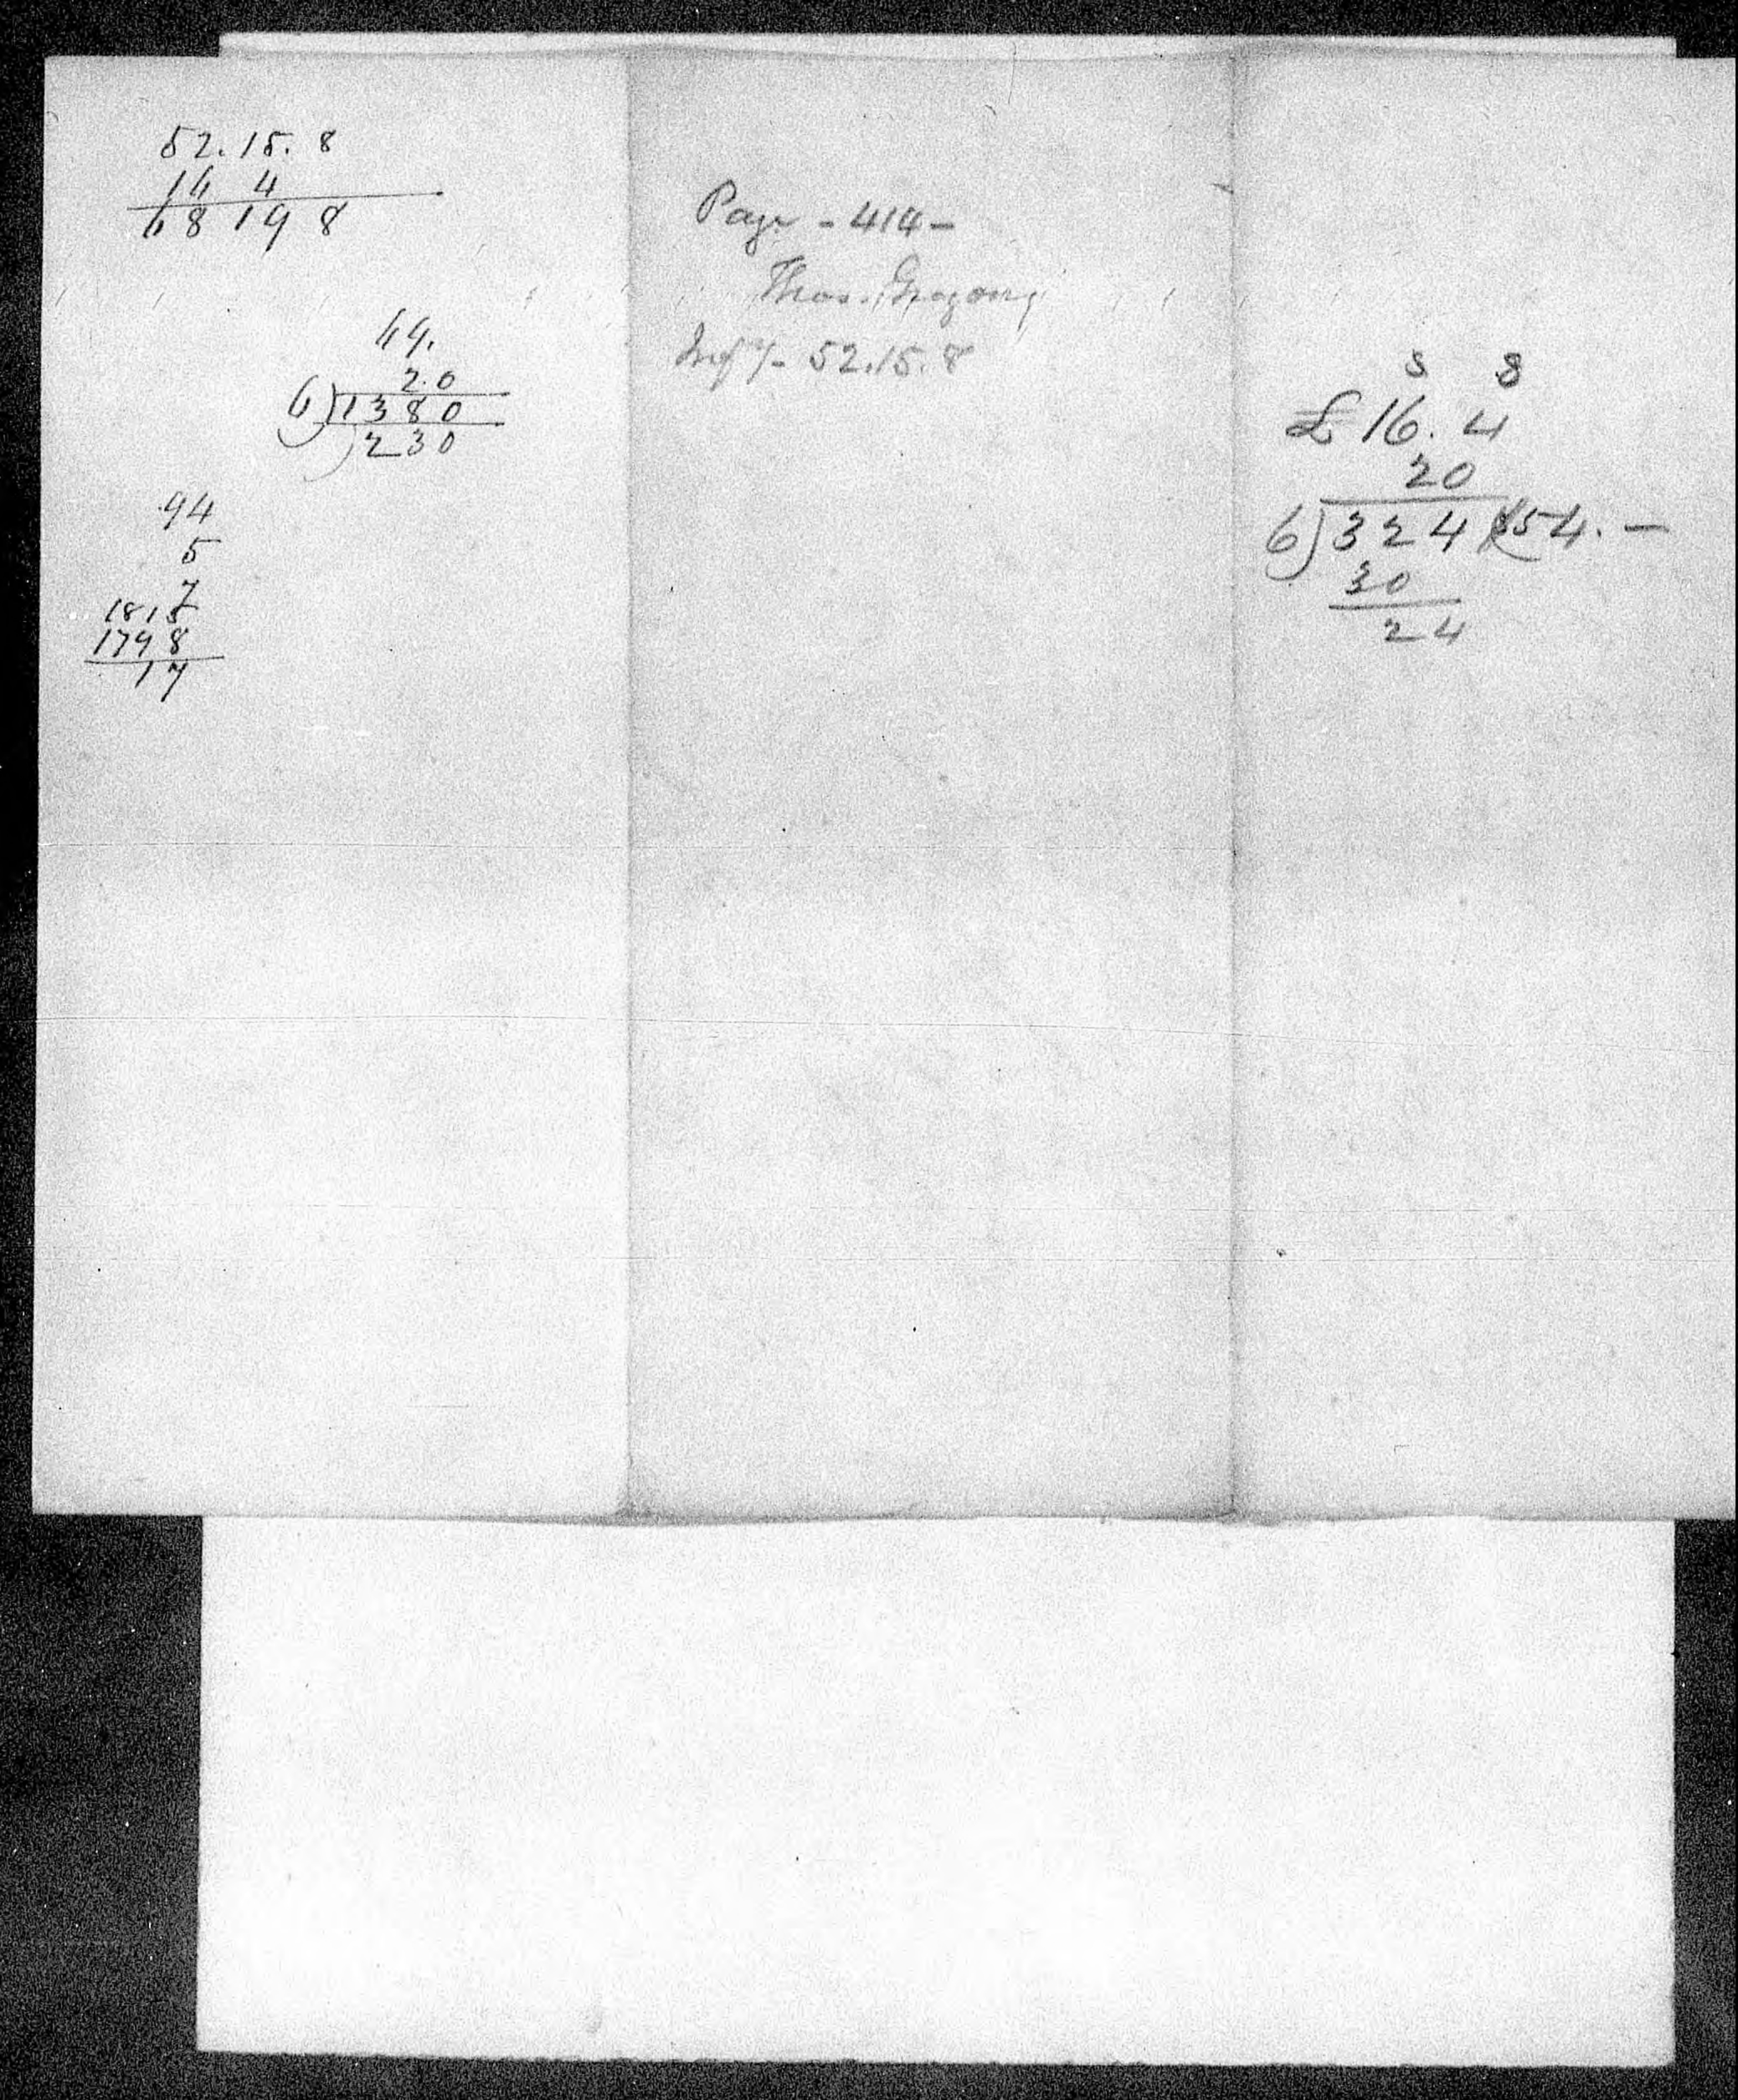[left side]

52. 15. 8
16. 4
________
68. 19 .8

64.
20.
_____
6)1380
_____
230

94
5
7
1815
1798
_____
17

[center]

Page - 414 -
Thos. Gregory
Inf'y. 52.15.8

[right side]

5   8
£16.4
[x] 20
_____
6)324($54
30
_____
24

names: Thos Gregory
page: 38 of 75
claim: widow's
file: W. 8876, Thomas Gregory, Continental Va